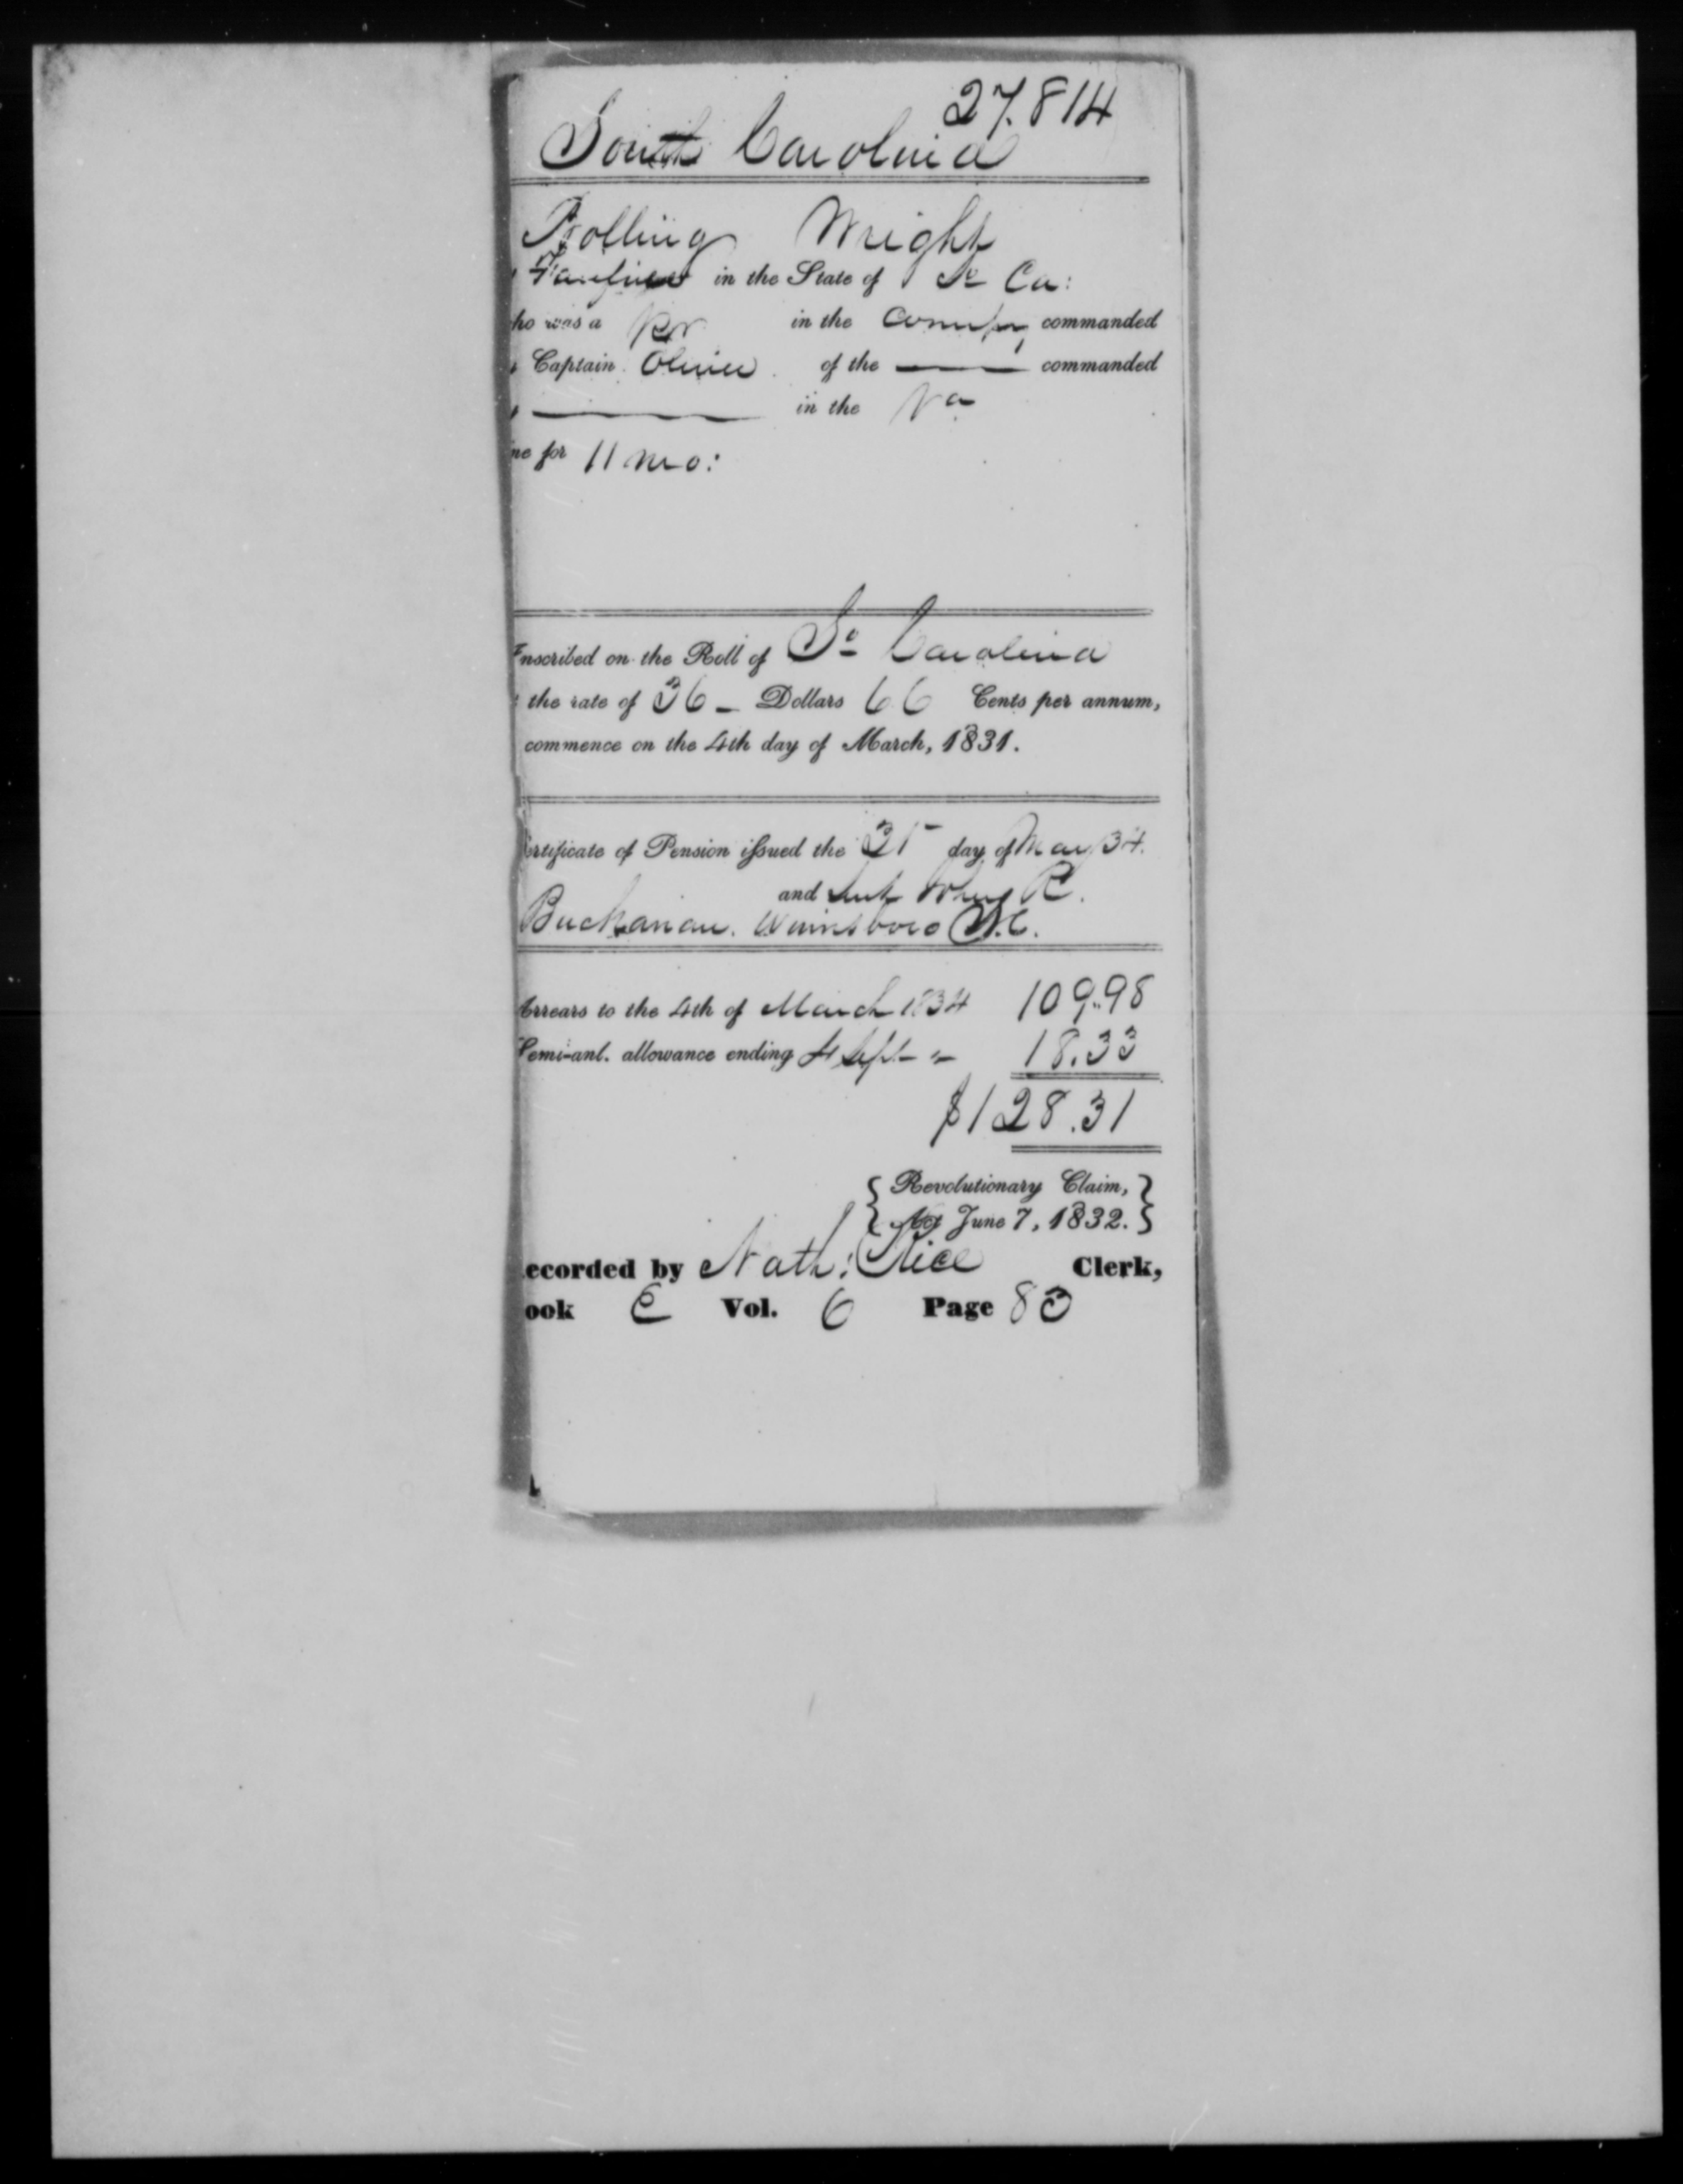27.814
South Carolina

Bolling Wright
of Fairfield in the State of So Ca:
who was a pr in the Compy commanded by Captain Olive of the - commanded by - in the Va. line for 11 mo:

Inscribed on the Roll of So Carolina at the rate of 36- Dollars 66 Cents per annum, to commence on the 4th day of March, 1831.

Certificate of Pension issued the 31 day of Mar 34.
and Sent John R. Buchanan, Wainsboro N.C.

Arrears to the 4th of March 1834 109.98
Semi-anl. allowance ending 4 Septr " 18.33
$128.31
{Revolutionary Claim, Act June 7, 1832.}
Recorded by Nath: Rice Clerk,
ook E Vol. 6 Page 83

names: Nath Rice, John R Buchanan, Bolling Wright, Oliver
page: 4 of 81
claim: widow's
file: W. 5183, Bolling Wright, Va.